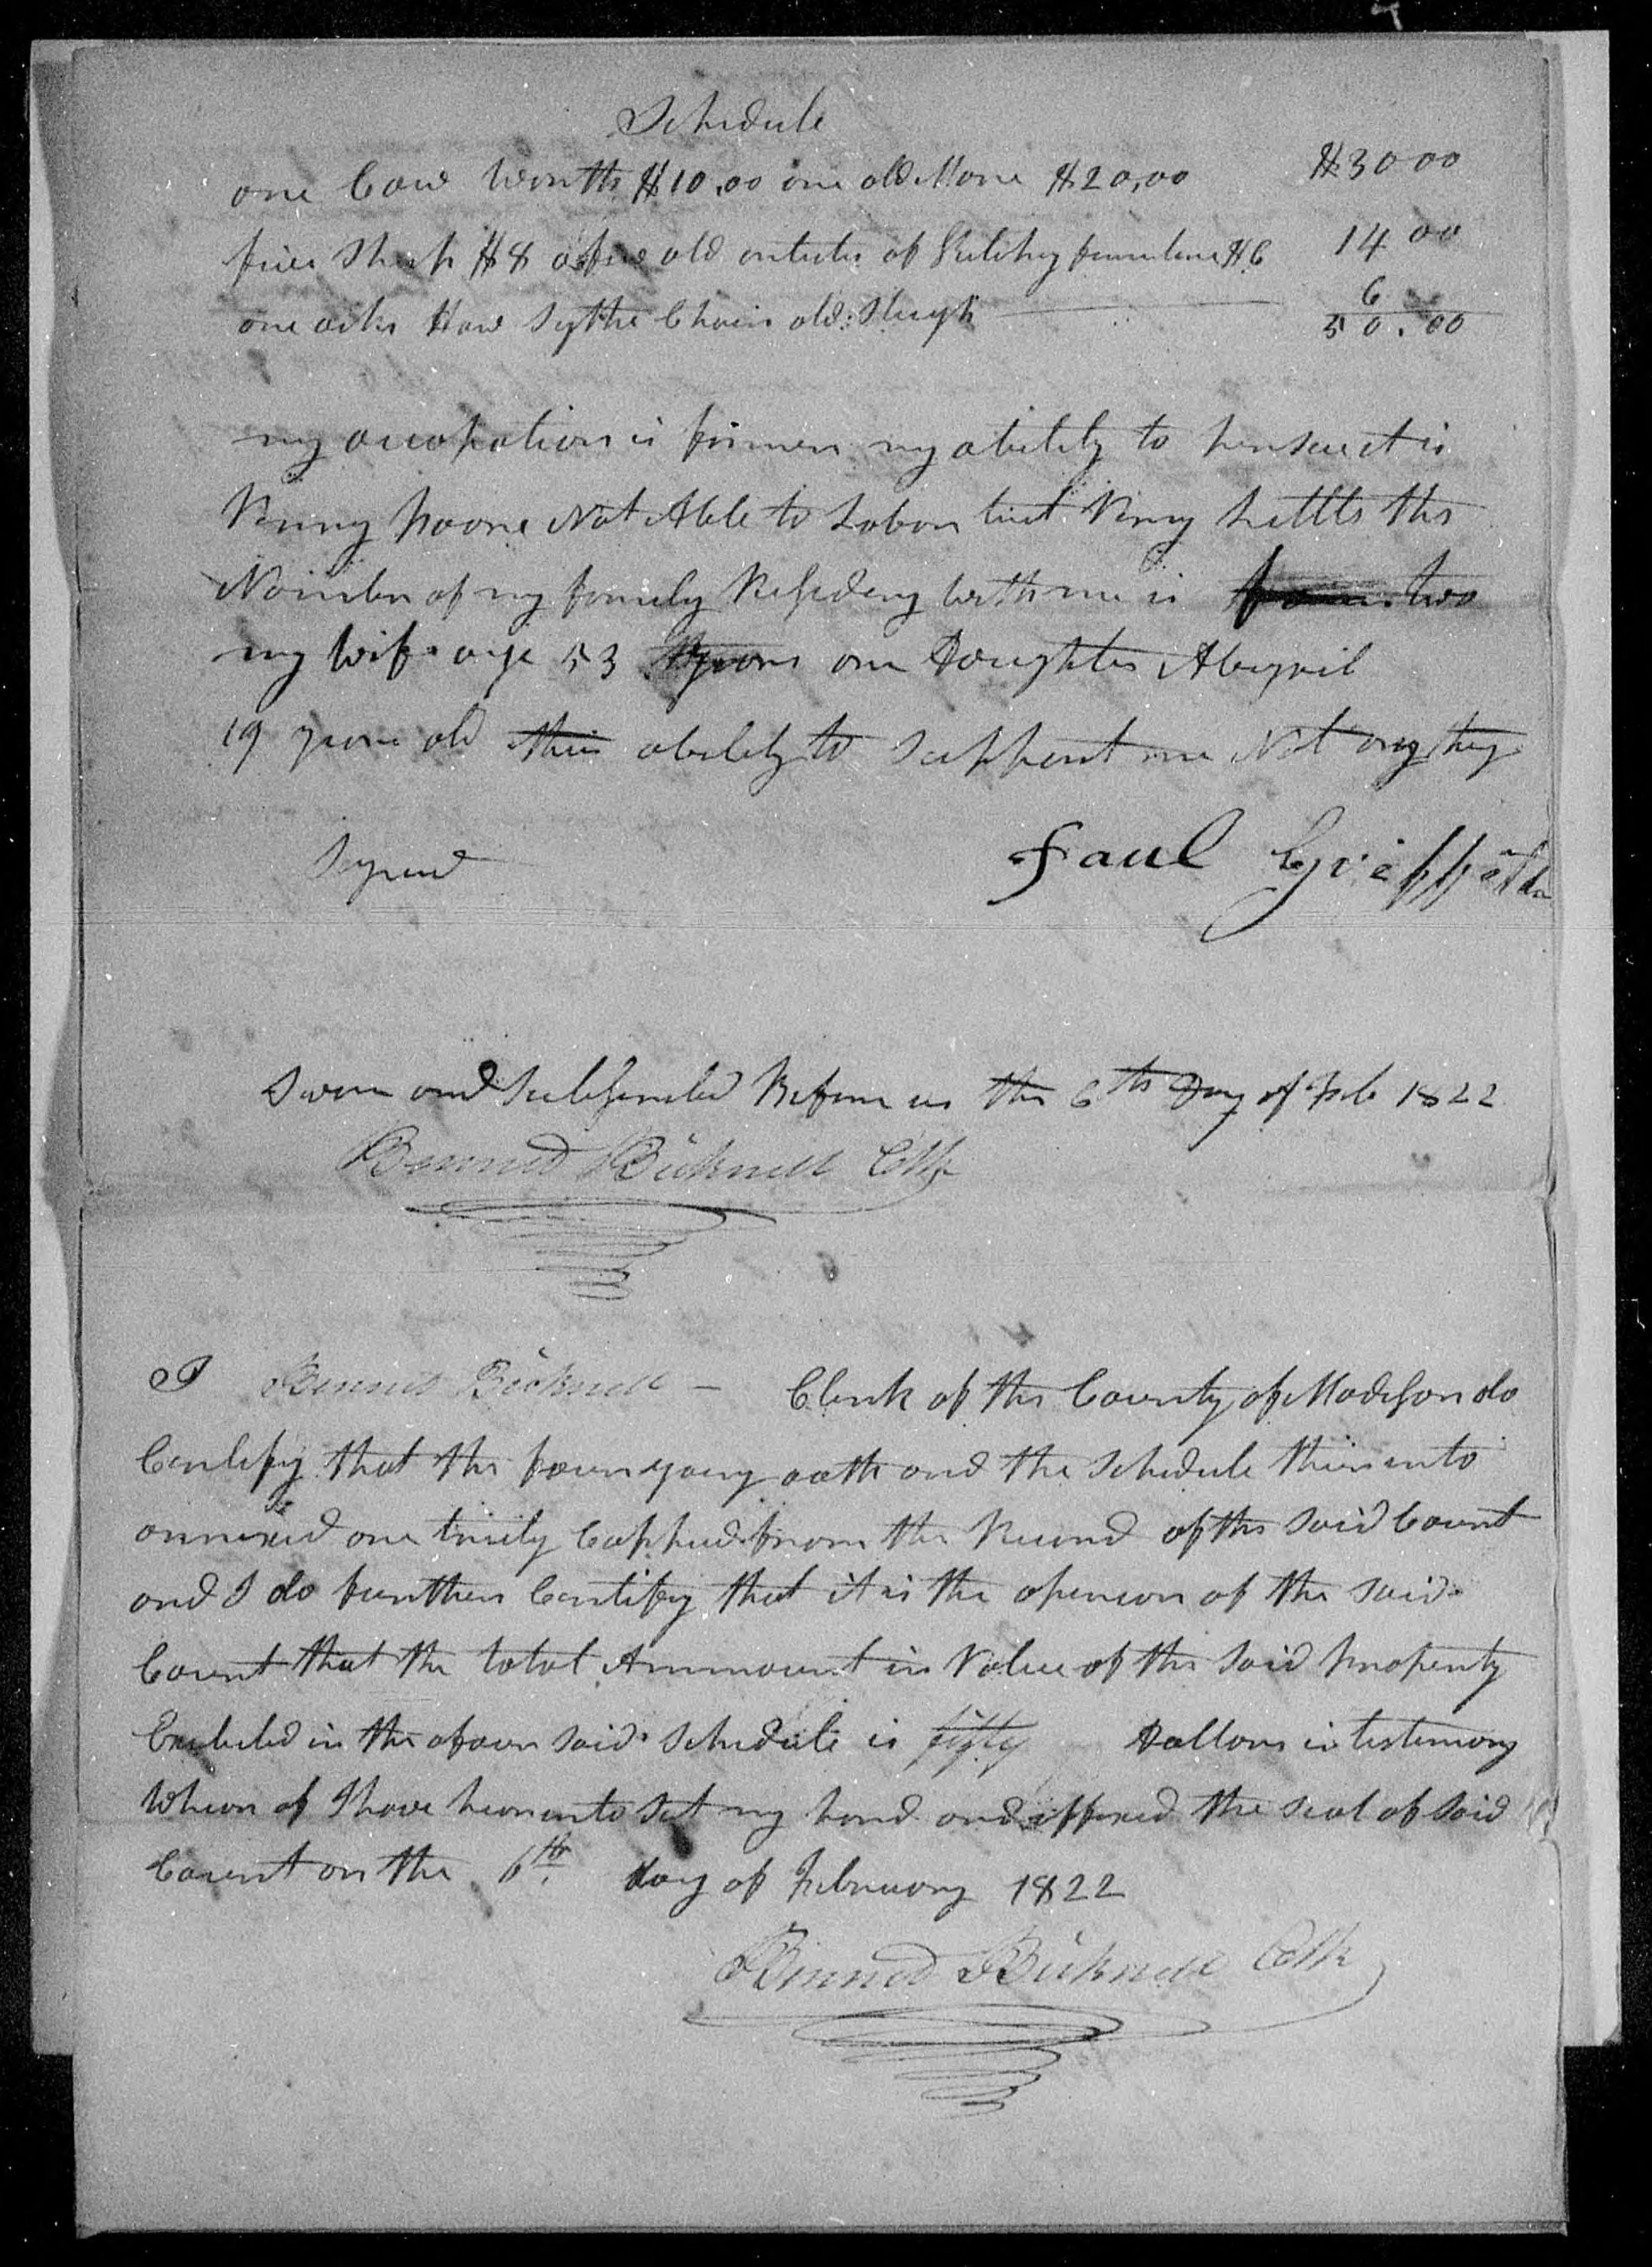Schedule
one cow worth $10.00, one old mare $20.00 - $30/00
[?] $8, a fine old [?] of [?] furniture $6 - 14.00
one  oak hand sythe chain old [?] 6.00
$50.00

my occupatio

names: Bennet Bicknell, Bennet Bicknell, Paul Griffith, Bennet Bicknell, Abigail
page: 11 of 61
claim: survivor's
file: S. 22798, Paul Griffiths, R.I.